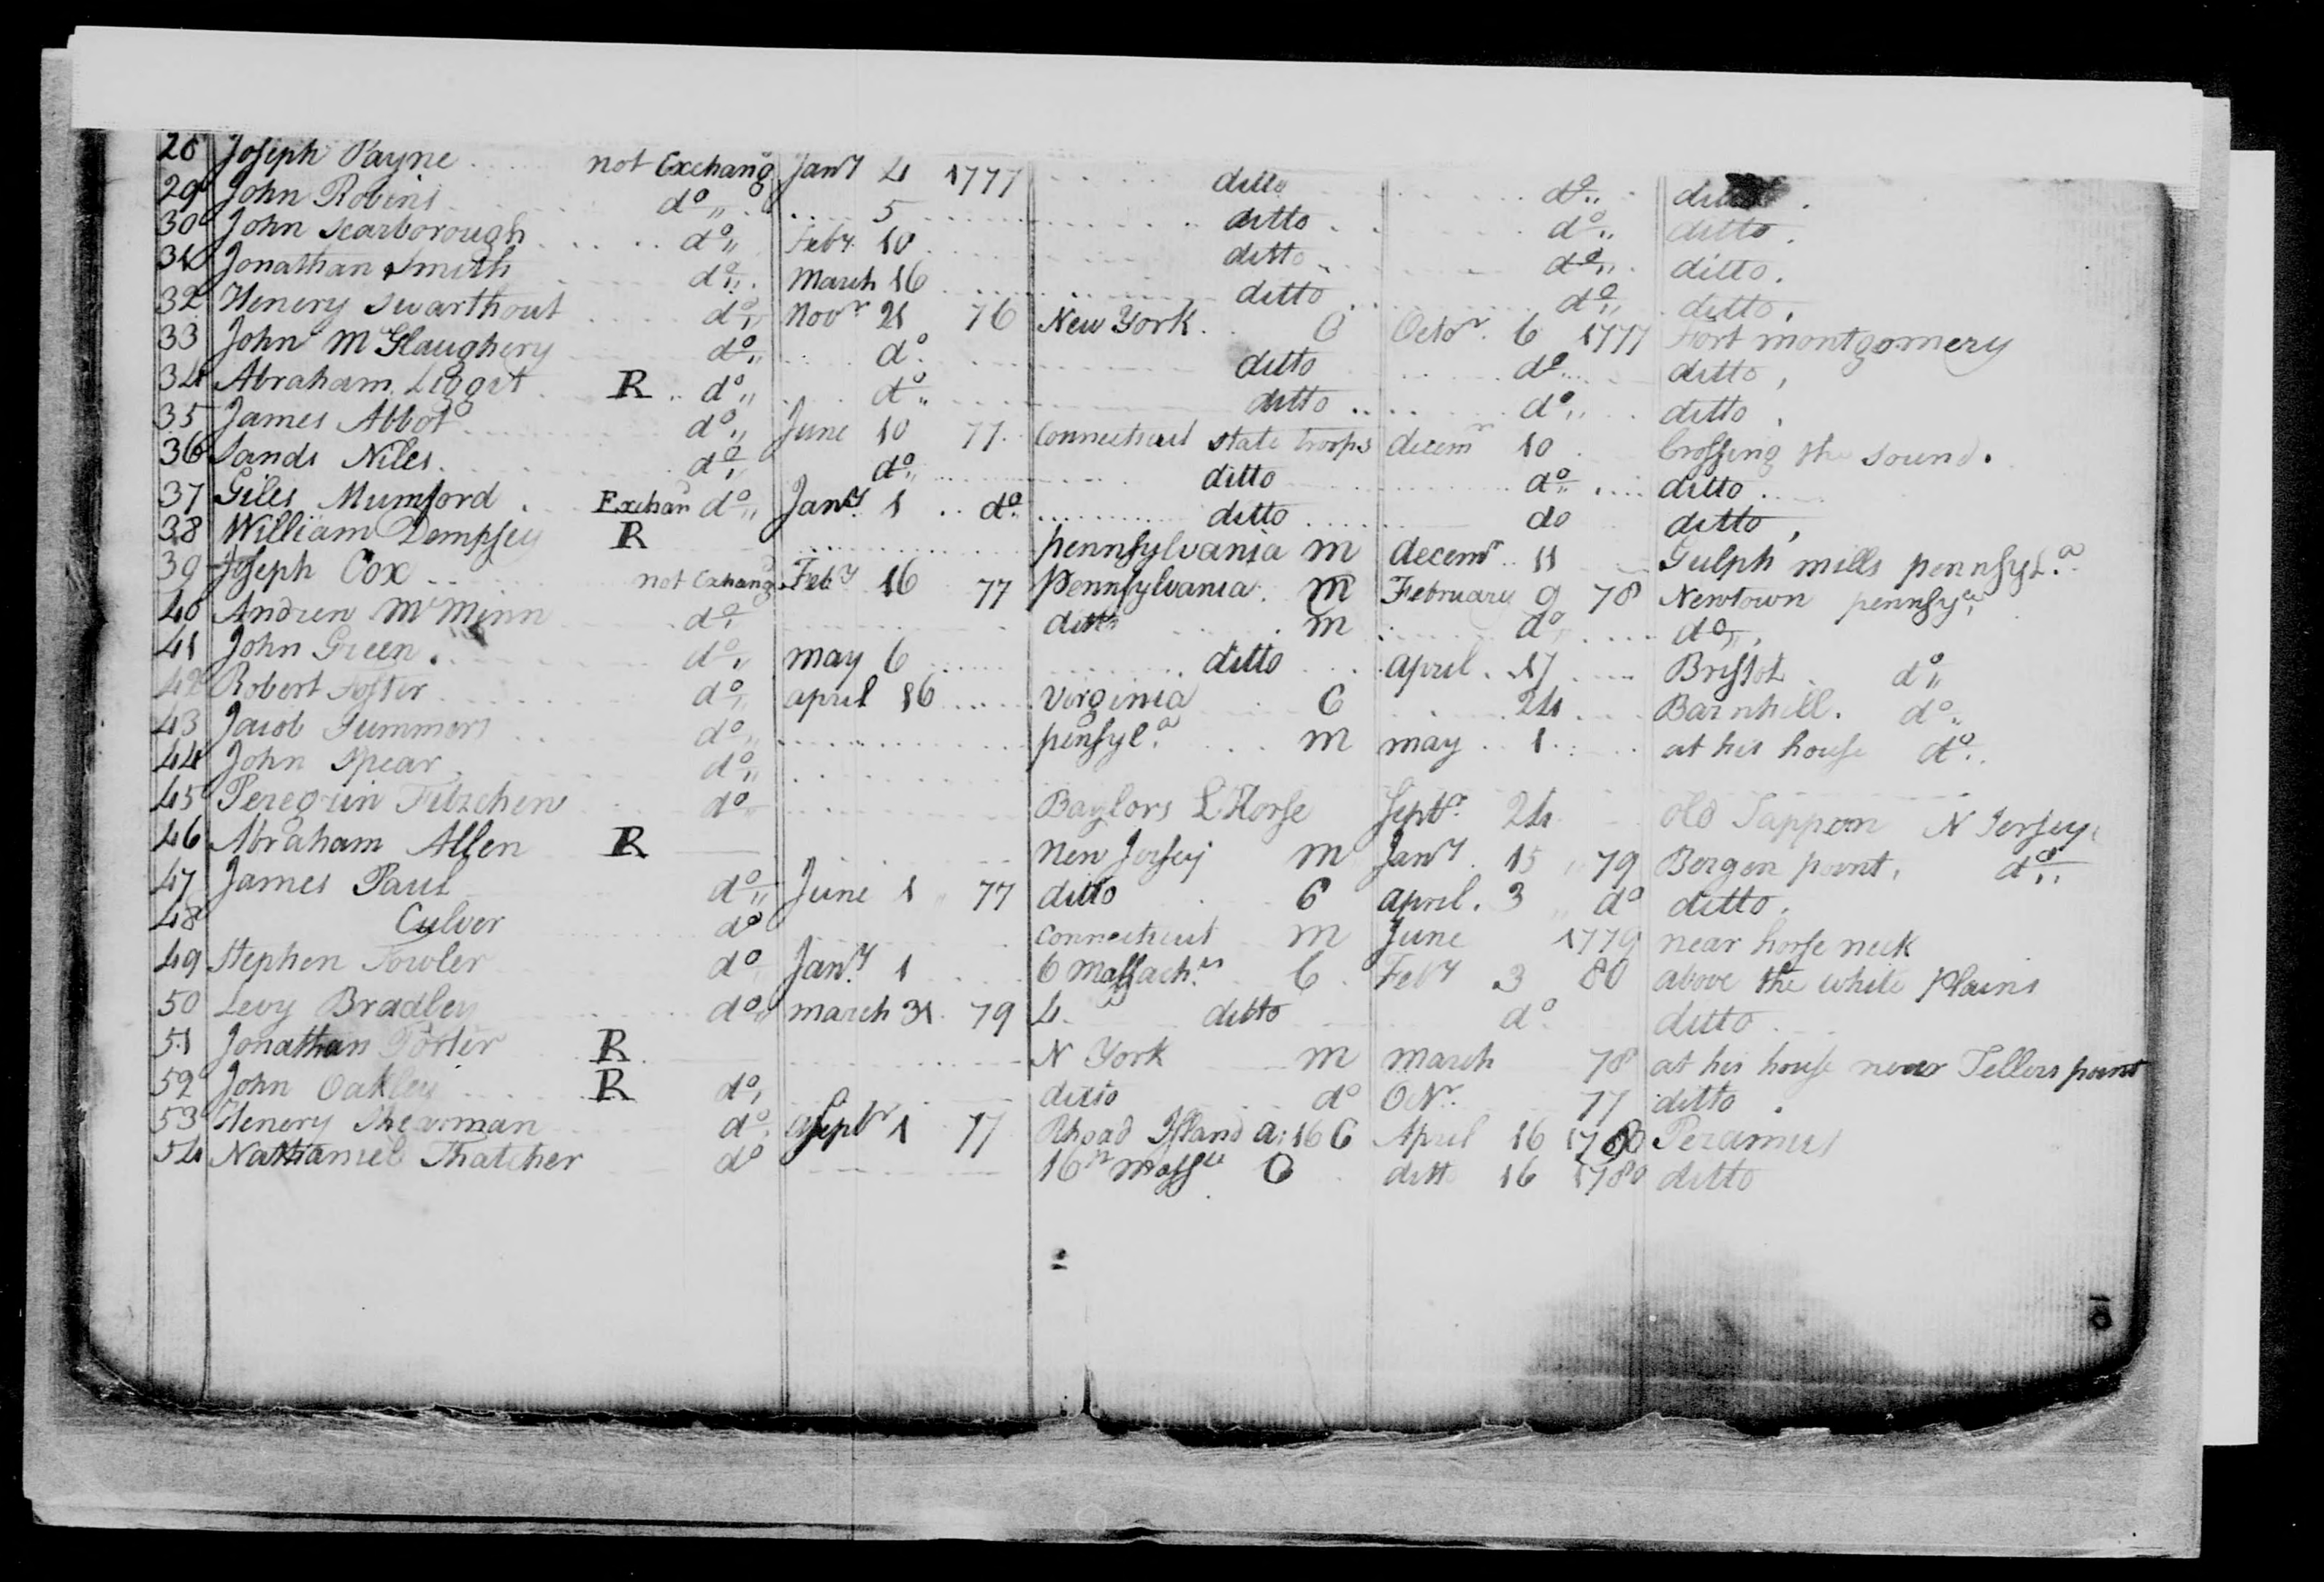[columns continued from previous page]
28 | Joseph Payne not Exchang | Jany 4 1777 | ditto | do" | ditto.
29 | John Robins do" | ...5..| ditto | do" | ditto.
30 | John Scarborough do "| Feby 10 | ditto | do" | ditto.
31 | Jonathan Smith do" | March 16 | ditto | do" | ditto.
32 | Henery Swarthout do" | Nov4 11 76 | New York C | Octror 6 1777 | Fort Montgomery. 
33 | John McGlaughery do" | do" | ditto | do" | ditto. 
34 | Abraham Ligget R do" | do" | ditto | do" | ditto.
35 | James Abbot do" | June 10 77 | Connecticut state troops | decemr 10 | Crossing the sound. 
36 | Sands Niles do" | do" | ditto | do" | ditto.
37 | Giles Mumford Exchn do" | Jany 1 do" | ditto | do" | ditto. 
38 | William Dempsey R | ... | Pennsylvania M | decemr 11..| Gulph mills Pennsyla.
39 | Joseph Cox not Exchang | Feby 16 77 | Pennsylvania M | February 9 78 | Newtown Pennsya. 
40 | Andrew McMinn do" | ... | ditto M | do" | do" .
41 | John Green do" May 6 | ditto | April 17 | Bristol do".
42 | Robert Foster do" | April 16 | Virginia C | ...24 | Barnhill do".
43 | Jacob Gummon do" | ... | Pensyla. M | May 1 | at his house do" .
44 | John Spear do" | ... | ... | ... | ...
45 | Peregrin Filzchen do" | ... | Baylors L Horse | Septr 24 | old Tappon N Jersey. 
46 | Abraham Allen R | ... | New Jersey M | Jany 15 79 | Bergen point, do".
47 | James Paul do" | June 1 77 | ditto C | April 3 do" | ditto. 
48 | .. Cylver do" ... | Connecticut M | June 1779 | near horse neck. 
49 | Stephen Fowler do" | Jany 1 | 6 Massaches C | Feby 3 80 | above the white plains. 
50 | Levy Bradley do" | March 31 79 | 4.. ditto | do" | ditto.
51 | Jonathan Porter R | ... | N York M | March 78 | at his house near Tellers point. 
52 | John Oakley R do" | ... | ditto do" | Octr 77 | ditto. 
53 | Henery Sherman do" | Septr 1 77 | Rhoad Island A 16 C | April 16 1780 | Peramies. 
54 | Nathaniel Thatcher do" | .... | 16th Masses C | ditto 16 1780 | ditto.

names: Joseph Payne, Henery Swarthout, Robert Foster, William Dempsey, John Mc Glaughery, Stephen Fowler, Giles Mumford, Abraham Legget, Andrew Mc Minn, Jonathan Porter, Abraham Allen, Henery Shearman, Joseph Cox, James Abbot, Sands Niles, John Scarborough, John Oakley, John Robins, Nathaniel Thatcher, John Spear, Jonathan Smith, James Paul, Peregrin Fitzchen, Jacob Summers, Culver, John Green, Levy Bradley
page: 30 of 57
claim: survivor's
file: S. 2161, Hezekiah Davies, Penn